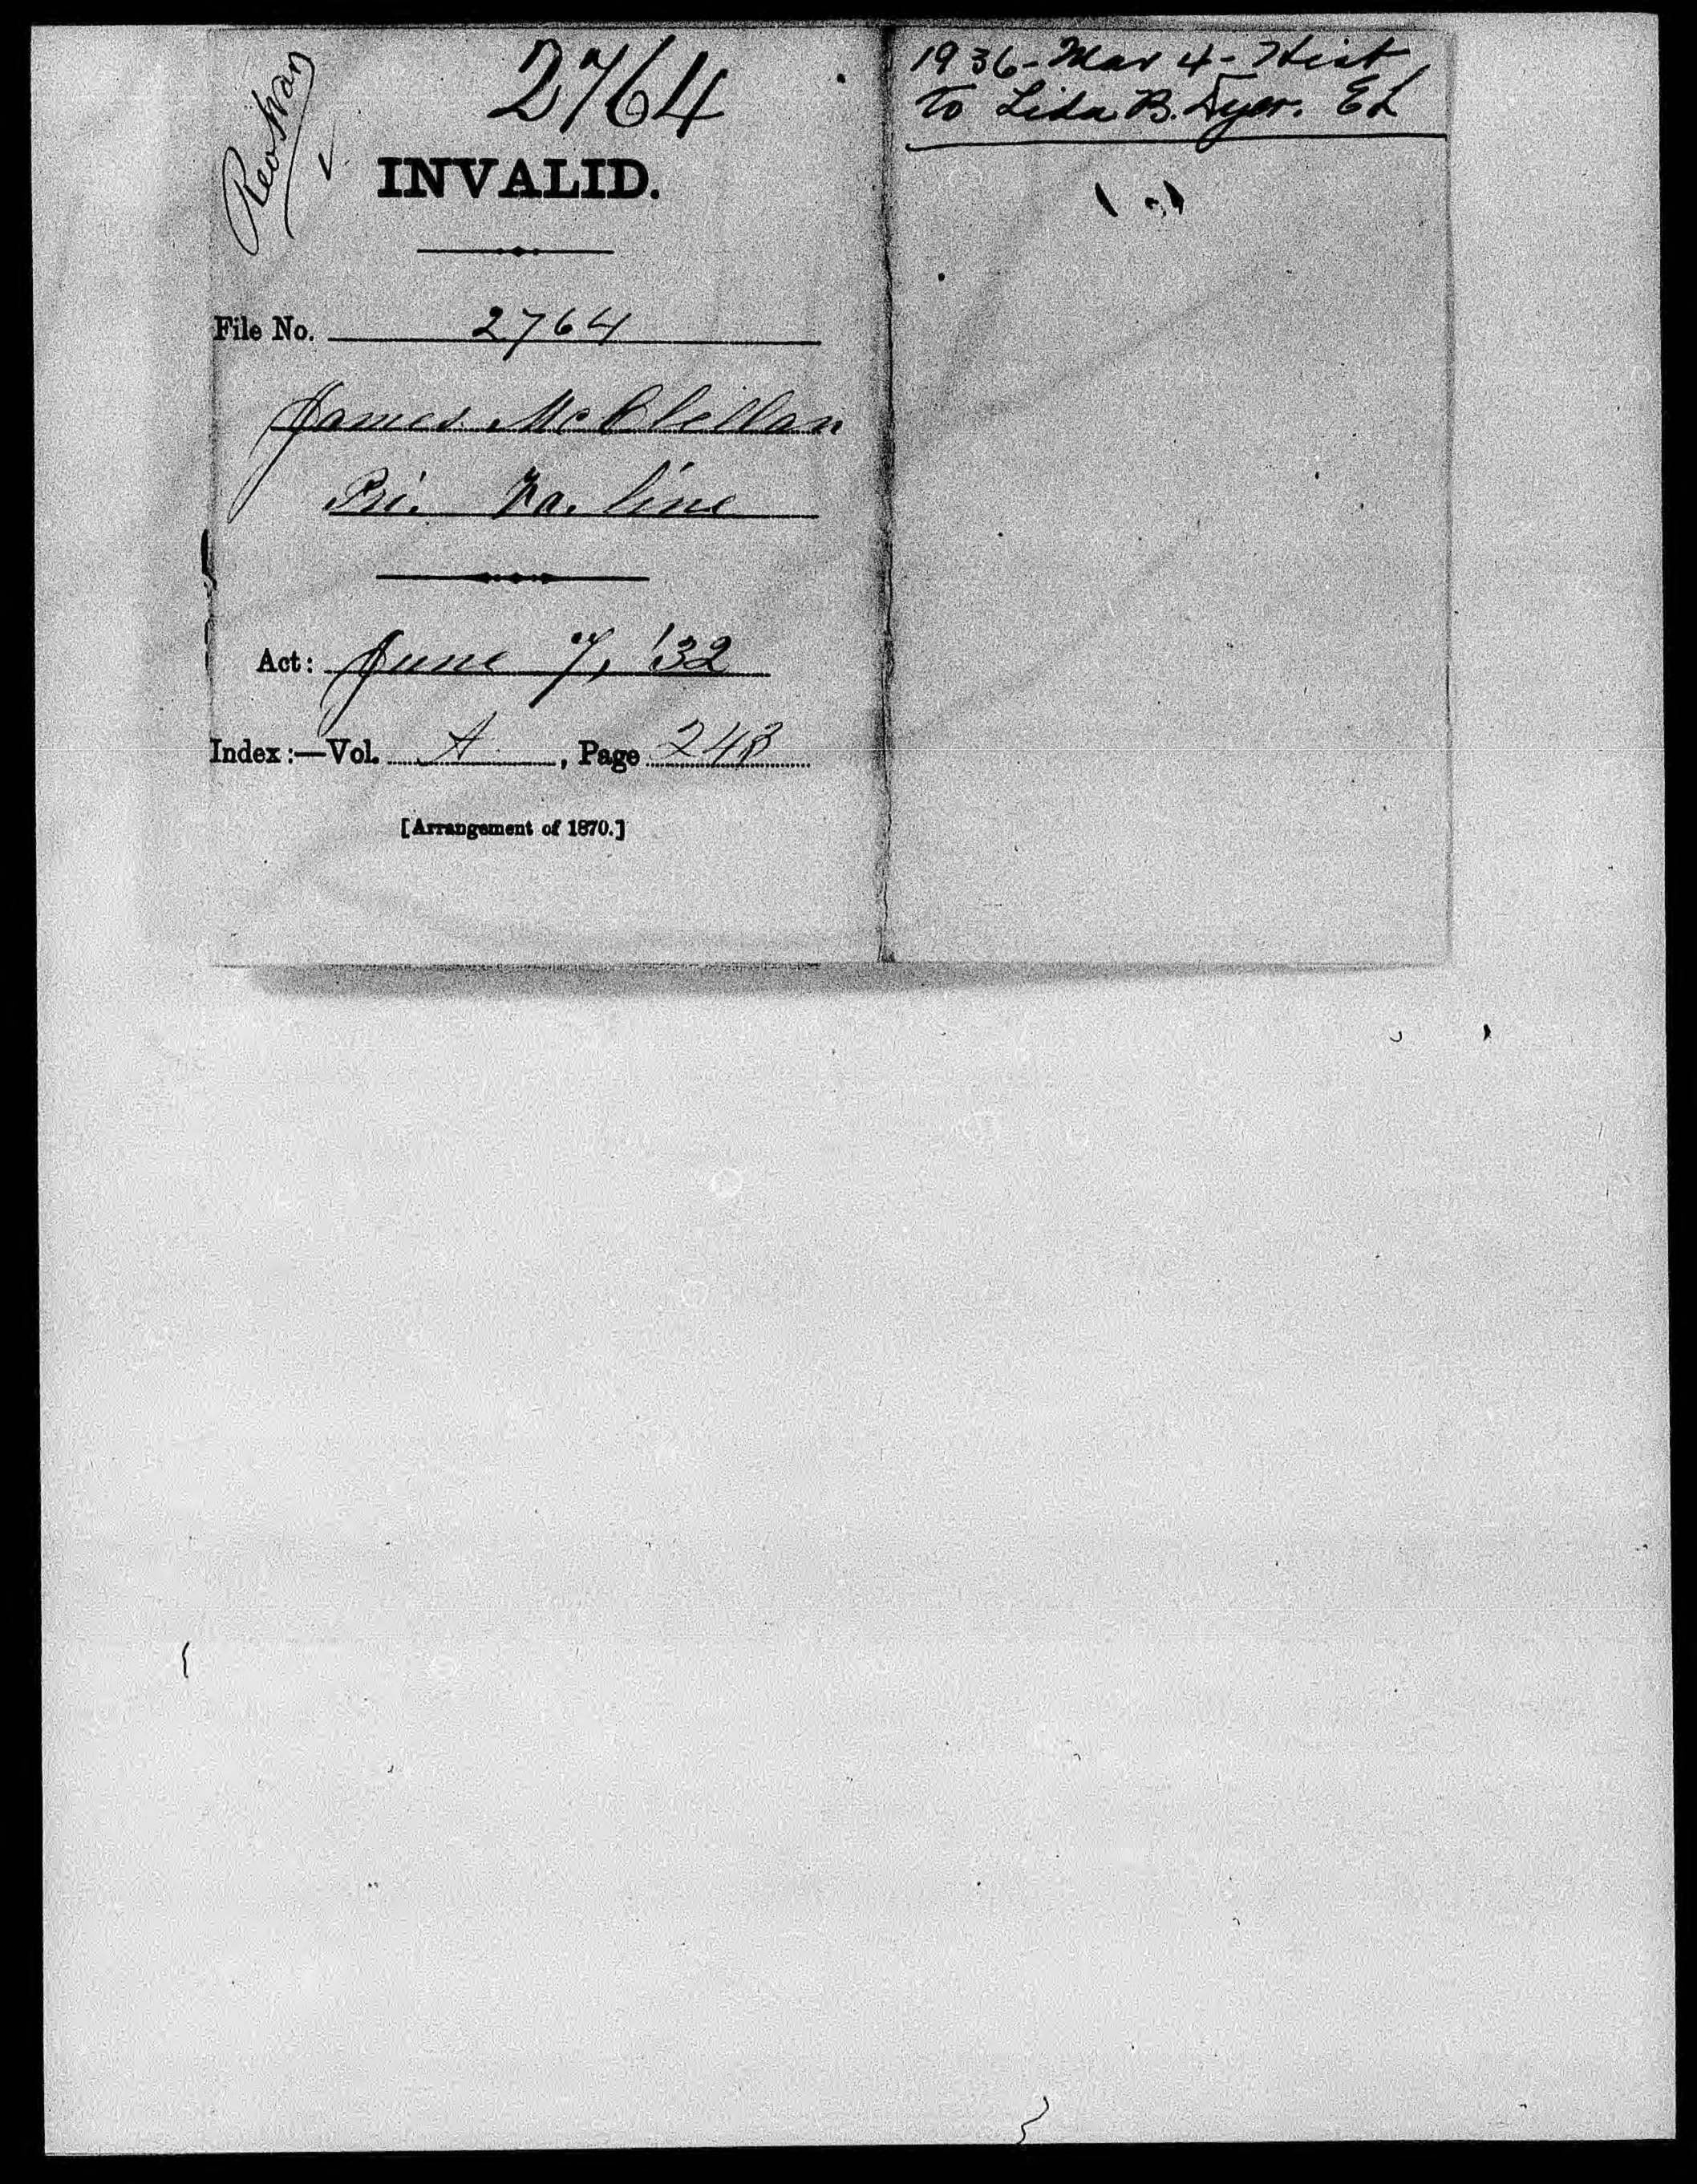2764

Rev War

INVALID

File No,  2764

James McClellan
Pri - Pa Line

Act: June 7, 32

Index: Vol A, Page 243

[Arrangement of 1870]

_____
1936  Mar 4 - hist to Lida B Ayer.  EL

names: James Mc Clellan; Lida B Dyer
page: 8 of 16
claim: survivor's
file: S. 2764, for James Mc Clellan, Pennsylvania